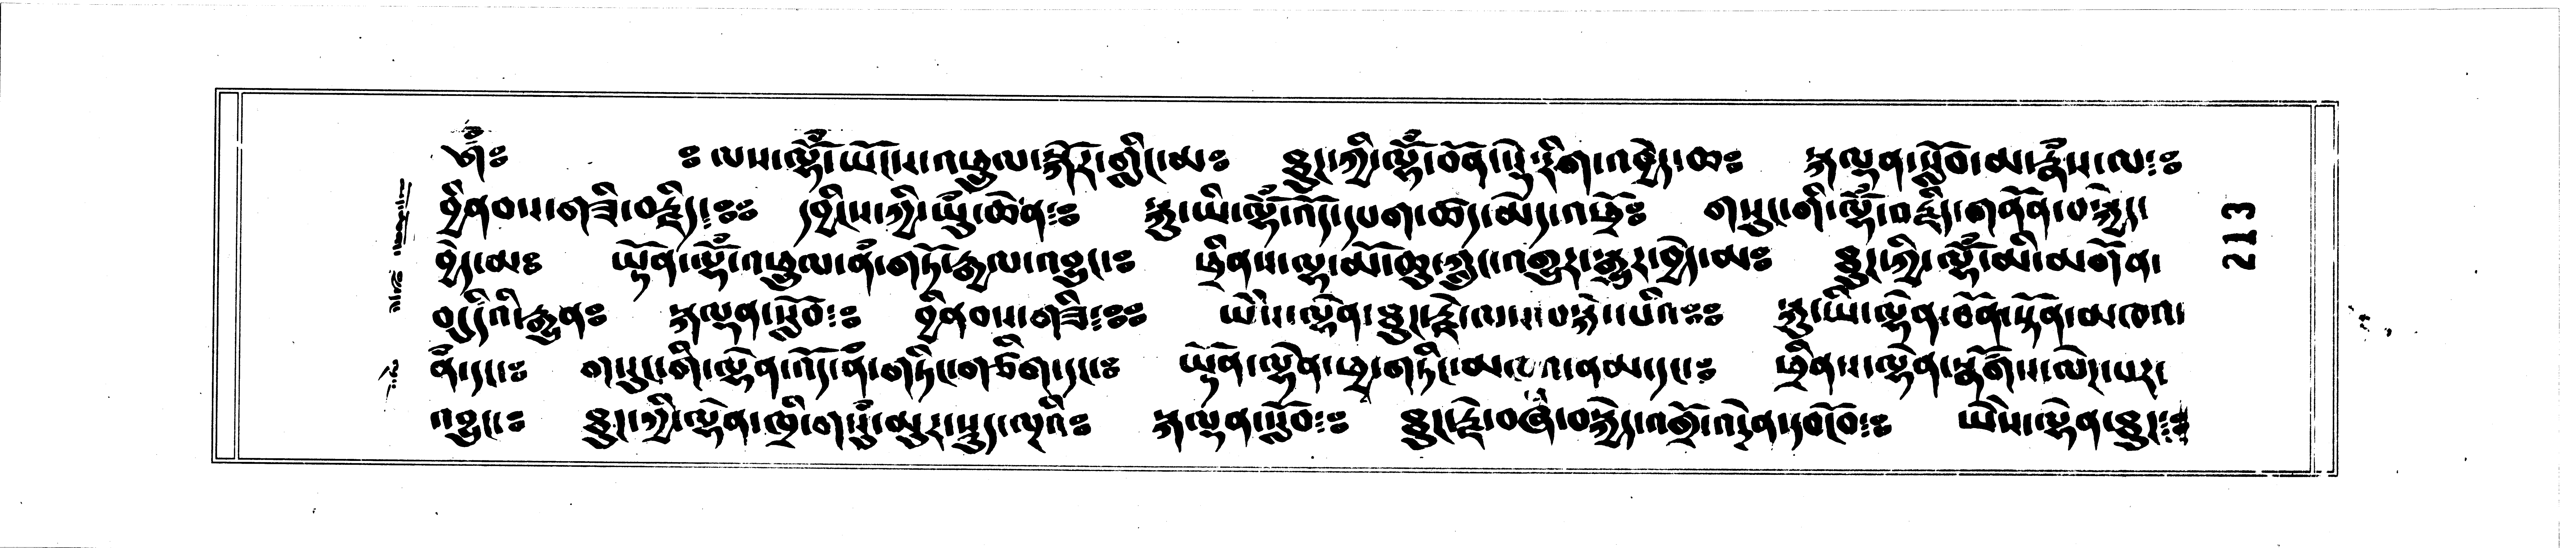ལས་ལྷ་མོ་ཡོངས་ཕྲིན་སྐོར་གླིང་མཿ ཐུགས་ཀྱི་ལྷ་མོ་བོན་སྡེ་རིགས་འབྱེད་ཆཿ སྐལ་ལྡན་སློབ་མ་རྣམས་ལ་དབང་བསྐུར་བསཿ 
བྱིན་རླབས་གཟི་བརྗིད་འགྲོ་འདྲེན་དབང་ཐོབ་ཤོགཿ དབྱིངས་ཀྱི་ཡུམ་ཆེན་བྱིན་རླབས་ལས་བྱུང་བའིཿ སྐུ་ཡི་ལྷ་མོ་འོད་དཔག་ཚད་མེད་འཕྲོཿ གསུང་གི་ལྷ་མོ་བརྗིད་གནོན་སྐྱེད་
བྱེད་མཿ ཡོན་ཏན་གྱི་ལྷ་མོ་འཕྲུལ་ནམ་གཏོ་རྒྱལ་འབྱུངཿ ཕྲིན་ལས་ཀྱི་ལྷ་མོ་ཆུ་ཀླུང་འགྱུར་བྱེད་མཿ ཐུགས་ཀྱི་ལྷ་མོ་མི་མགོན་
བདུད་རྩིའི་རྒྱུནཿ སྐལ་ལྡན་སློབ་མ་རྣམས་ལ་དབང་བསྐུར་བསཿ བྱིན་རླབས་གཟི་བརྗིད་འགྲོ་འདྲེན་དབང་ཐོབ་ཤོགཿ ཡེ་ཤེས་ལྷ་ཆེན་ཐུགས་རྗེ་ལས་བསྐྱེད་པའིཿ སྐུ་ཡི་ལྷ་ཆེན་བོན་སྟོན་མཁའ་
ནམ་དངཿ གསུང་གི་ལྷ་ཆེན་འོད་ནམ་ཏིང་ཙུག་དངཿ ཡོན་ཏན་ལྷ་ཆེན་ཕྱ་གཏིང་མཁའ་ནམ་དངཿ ཕྲིན་ལས་ལྷ་ཆེན་སྣ་ཚོགས་ལེགས་པར་
འབྱུངཿ ཐུགས་ཀྱི་ལྷ་ཆེན་ཁྲི་གསུམ་མུར་སྡུད་ལྔའིཿ སྐལ་ལྡན་སློབ་མ་རྣམས་ལ་དབང་བསྐུར་བསཿ ཐུགས་རྗེ་གཟི་བརྗིད་འགྲོ་འདྲེན་དབང་ཐོབ་ཤོགཿ ཡེ་ཤེས་ལྷ་ཆེན་ཐུགས་རྗེ་ལས་བསྐྱེད་པའིཿ